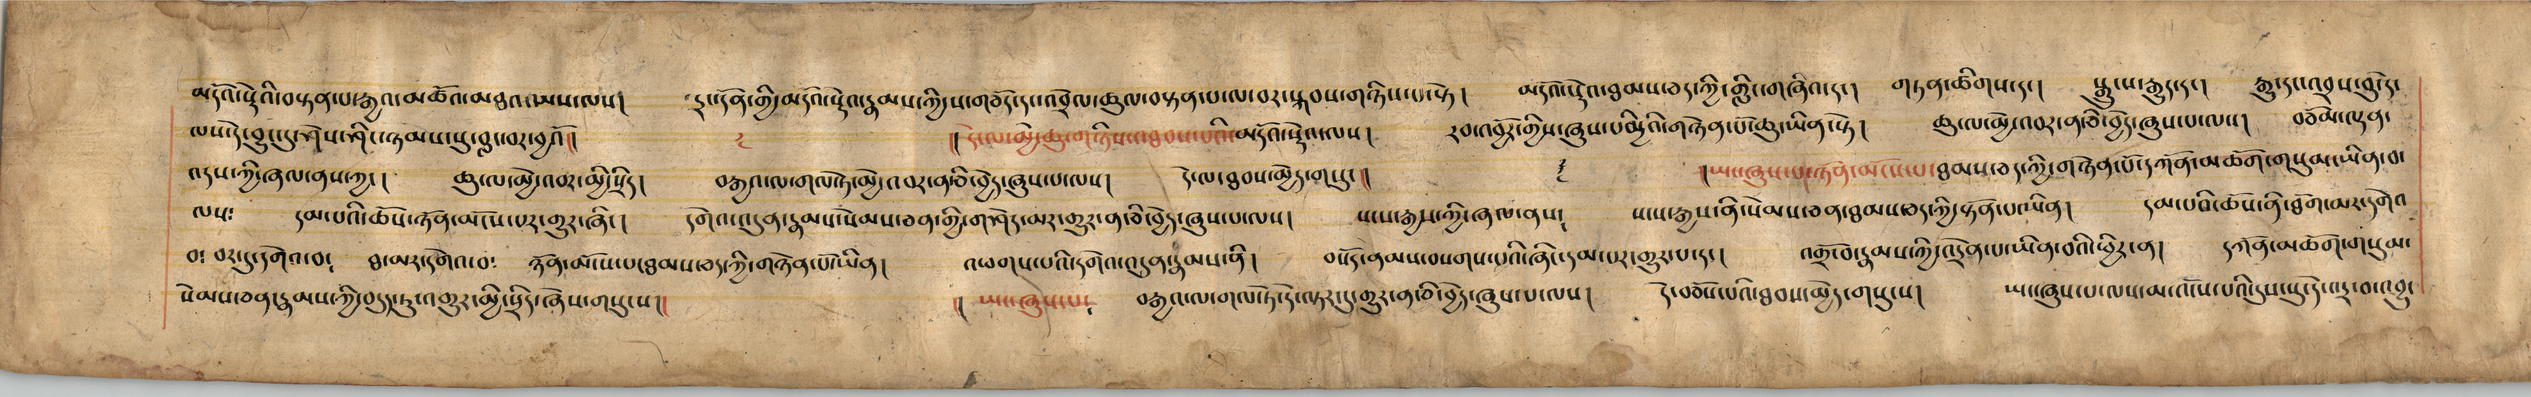མདོའ་སྡེའི་བསྟན་པ་རྒྱའ་མཚོའ་མཐའ་ཡས་ལས། དྲང་དོན་གྱི་མདོའ་སྡེའ་རྣམས་ཀྱི་ས་གཅོད་དང་འབྲེལ་ཚུལ་བསྟན་པ་ལ་བར་སྐབས་གཉིས་པ་སྟེ། མདོའ་སྡེའ་ཐམས་ཅད་ཀྱི་གླིང་གཞིའ་དང། གཏན་ཚིགས་དང། སྒྲུ་ས་རྒྱུད་དང། རྒྱུ་དང་འབྲས་བུ་དེ་
ལས་དེ་བྱུང་དུ་ཤེས་ཤིང་ཉམས་སུ་བླང་བར་བྱའོ།། །། དེ་ལ་མྱེ་ཆུ་གཉིས་འཐབས་པའི་མདོའ་སྡེའ་ལས། རབ་འབྱོར་གྱིས་ཞུས་པམྱིའི་གཉེན་པོ་ཆུ་ཡིན་སྟེ། ཆུ་ལ་མྱེ་འབར་ན་ཅི་བྱེད་ཞུས་པ་ལས། བཅོམ་ལྡན་
འདས་ཀྱི་ཞལ་ནས་ཀྱང། ཆུ་ལ་མྱེ་འབར་མྱི་སྲིད། བརྒྱའ་ལ་གལ་ཏེ་མྱེ་འབར་ན་ཅི་བྱེད་ཞུས་པ་ལས། དེ་ལ་ཐབས་མྱེད་ག་དུ་།། ༈ །།ཡང་ཞུས་པ་ཉོན་མོངས་པ་ཐམས་ཅད་ཀྱི་གཉེན་པོ་དཀོན་མཆོག་གསུམ་ཡིན་བ་
ལས: དམ་པའི་ཆོས་ཉོན་མོངས་པར་གྱུར་ཞིང ། དགེའ་འདུན་རྣམས་སེམས་ཅན་གྱི་གཤེད་མར་གྱུར་ན་ཅི་བྱེད་ཞུས་པ་ལས། སངས་རྒྱས་ཀྱི་ཞལ་ནས། སངས་རྒྱས་ནི་སེམས་ཅན་ཐམས་ཅད་ཀྱི་སྟོན་པ་ཡིན། དམ་པའི་ཆོས་ནི་ཐོག་མར་དགེའ
བ: བར་དུ་དགེའ་བ་ ཐ་མར་དགེའ་བ་ ཉོན་མོངས་པ་ཐམས་ཅད་ཀྱི་གཉེན་པོ་ཡིན། འཕགས་པའི་དགེའ་འདུན་རྣམས་ནི། བསོད་ནམས་བསགས་པའི་ཞིང་དམ་པར་གྱུར་པ་དང། འགྲོ་བ་རྣམས་ཀྱི་འདྲེན་པ་ཡིན་བའི་ཕྱིར་ན། དཀོན་མཆོག་གསུམ་
སེམས་ཅན་རྣམས་ཀྱི་བདུད་ཏུ་འགྱུར་མྱི་སྲིད་ཞེས་གསུངས།། །། ཡང་ཞུས་པ་ བརྒྱའ་ལ་གལ་ཏེ་དེ་ལྟར་དུ་གྱུར་ན་ཅི་བྱེད་ཞུས་པ་ལས། དེ་བཅོས་པའི་ཐབས་མྱེད་གསུངས། ཡང་ཞུས་པ་ལས་མ་འོངས་པའི་དུས་སུ་དེ་འདྲ་བ་འབྱུང